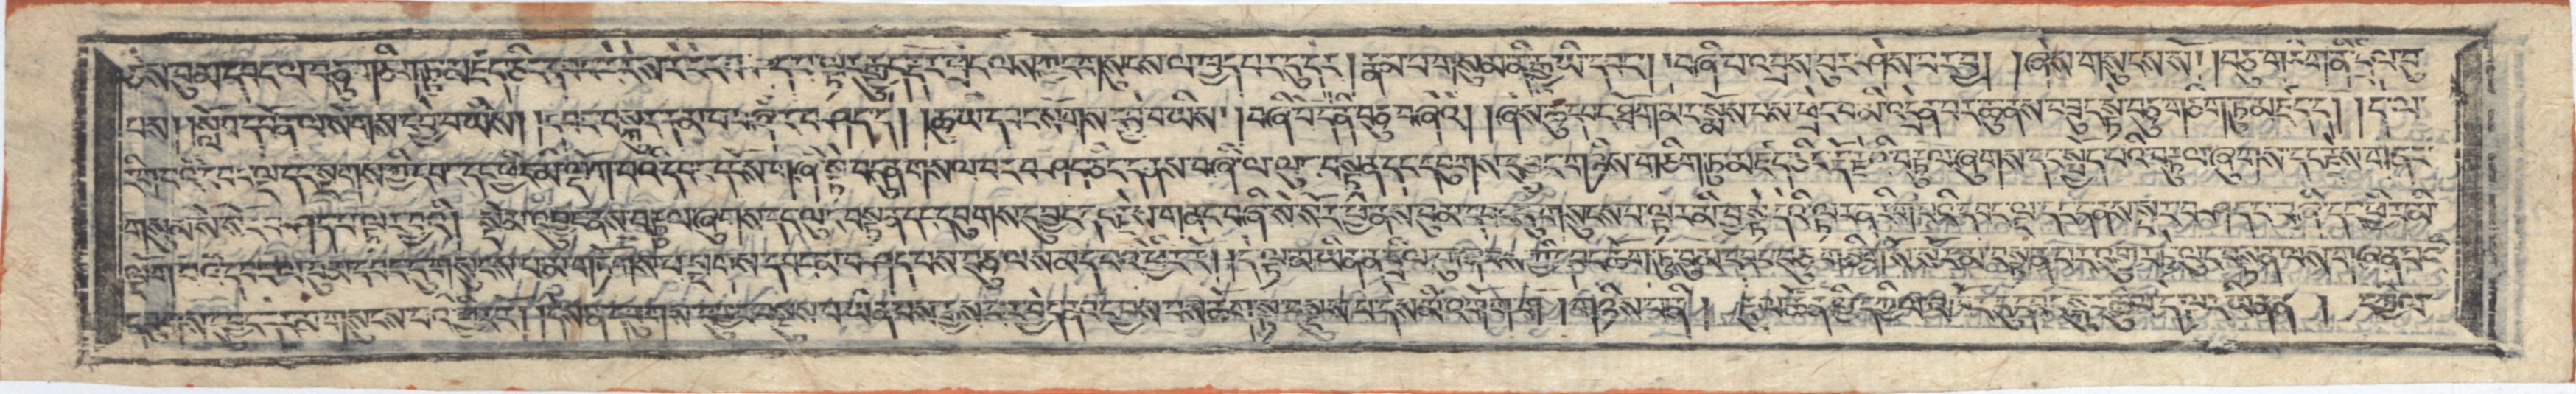ཅེས་བུམ་དབང་ལ་བཅུ་གཅིག་ཏུ་མཛད་ཅིང་དབང་རེ་རེས་རེ་རེས་བཤད་པ་ལྟར་རྒྱུད་རྡོར་ཕྲེང་ལས་ཀྱང་གསུངས་ལ་ཁྱད་པར་དུ་དེར། རྣམ་པ་གསུམ་ནི་རྒྱུ་ཡི་དབང་། །བཞི་པ་འབྲས་བུར་ཤེས་པར་བྱ། །ཞེས་གསུངས་སོ། །བཅུ་གཅིག་ནི་དྲིལ་བུ་
པས། །སློབ་དཔོན་ལ་སོགས་དབྱེ་བ་ཡིས། །དབང་བསྐུར་རྣམ་པ་བཞིར་བཤད་དེ། །ཆུ་ཡི་དབང་སོགས་དབྱེ་བ་ཡིས། །བཞི་པོ་དེ་ནི་བཅུ་བཞིའོ། །ཞེས་ཆུ་དབང་ཐོག་མར་སྨོས་པས་ཕྲེང་བ་མི་འདྲེན་པར་ཆུ་ནས་བཟུང་སྟེ་བཅུ་གཅིག་ཏུ་མཛད་དོ། །དེ་ལ་
རིག་པའི་དབང་ལྔ་དང་སྔགས་ཀྱི་དབང་དང་ཕྱིར་མི་ལྡོག་པའི་དབང་དངོས་གཞི་སྟེ་བདུན་གསལ་བང་བཤད་ཅིང་ད་ནས་བཞི་ལ་ལུང་བསྟན་དང་དབུགས་དབྱུང་གཉིས་གཅིག་ཏུ་མཛད་ཅིང་རྡོ་རྗེའི་བརྟུལ་ཞུགས་དང་སྤྱོད་པའི་བརྟུལ་ཞུགས་དང་རྗེས་གནང་
གསུམ་སོ་སོར་བཤད་པ་ལྟར་བྱའོ། སྡོམ་འབྱུང་ནས་བརྟུལ་ཞུགས་དང་ལུང་བསྟན་དང་དབུགས་དབྱུང་དང་རྗེས་གནང་བཞི་སོ་སོར་ཕྱི་ནས་བུམ་དབང་དུ་གསུངས་པ་ལྟར་མི་བྱ་སྟེ་དེའི་ལྟར་ན་རིག་པའི་དབང་ལྔ་དང་ད་ནས་སྔར་བཤད་པ་བཞི་དང་ཕྱིར་མི་
ལྡོག་པའི་དབང་ལ་བུམ་དབང་དུ་གསུངས་པ་མ་གཏོགས་པ་སྔགས་དབང་མ་བཤད་པས་བཅུ་ལས་མེད་པའི་ཕྱིར་རོ། །དེ་ལྟ་མ་ཡིན་ན་དྲིལ་བུ་ཞབས་ཀྱི་དབང་ཆོག་ཏུ་བུམ་དབང་བཅུ་གཅིག་སོ་སོར་མ་བསྟན་པར་འགྱུར་ཏེ་ལུང་བསྟན་ལས་གཞན་པའི་
དབུགས་དབྱུང་དེར་མ་གསུངས་པའི་ཕྱིར་རོ། །དེས་ན་དབུགས་དབྱུང་བསྡུས་པ་ཡིན་པས་རྒྱས་པར་བྱེད་ནའང་བྱས་པས་ཆོག་སྟ་བསྡུས་པ་དེས་མི་འགོག་གོ །གཉིས་པ་ནི། རྡུལ་ཚོན་གྱི་དཀྱིལ་འཁོར་དུ་དབང་སྐུར་ཚུལ་དེ་ལྟར་ཡིན་ན་།དཀྱི་